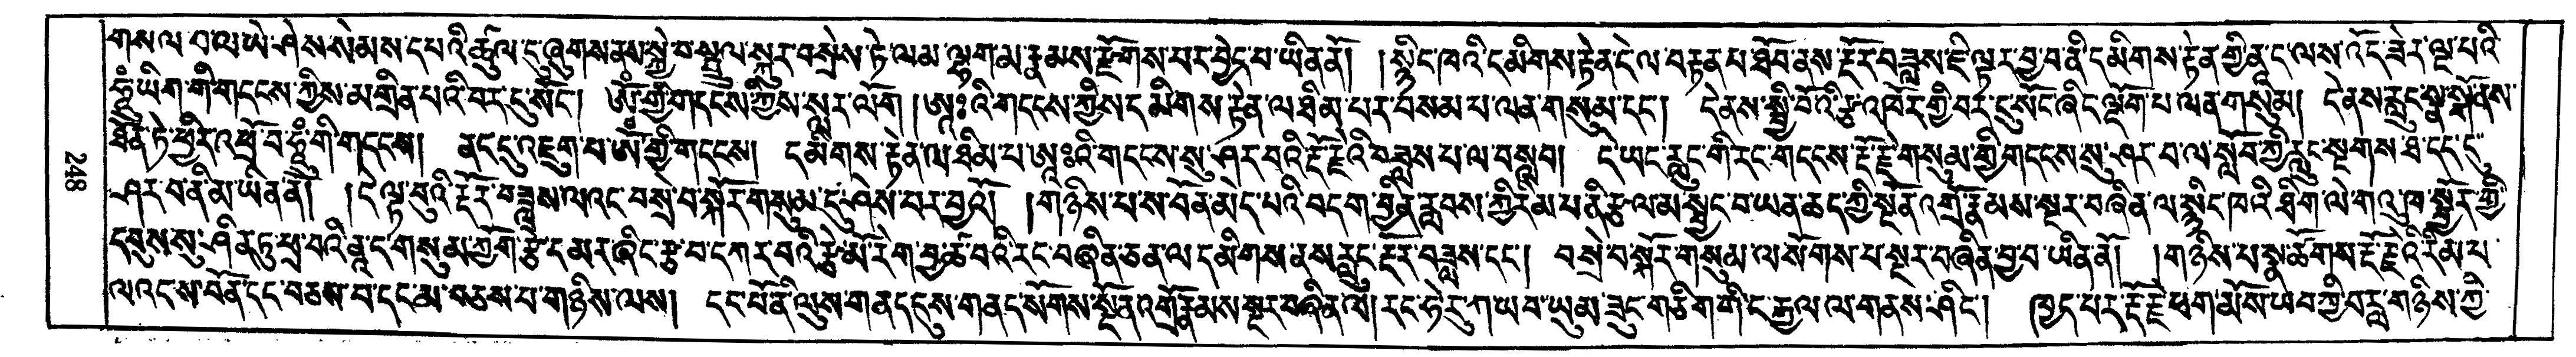གསལ་བ་ལ་ཡེ་ཤེས་སེམས་དཔའི་ཚུལ་དུ་ཞུགས་ནས་སྐྱེ་བ་སྦྲུལ་སྐུར་བསྲེས་ཏེ་ལམ་ལྷག་མ་རྣམས་རྫོགས་བར་བྱེད་པ་ཡིན་ནོ། །སྙིང་ཁའི་དམིགས་རྟེན་དེ་ལ་བརྟན་པ་ཐོབ་ནས་རྡོར་བཟླས་ཇི་ལྟར་བྱ་བ་ནི་དམིགས་རྟེན་གྱི་ནཱ་ད་ལས་འོད་ཟེར་ལྔ་བའི་
ཧཱུཾ་ཡིག་གི་གདངས་ཀྱིས་མགྲིན་པའི་བར་དུ་སོང་། ཨོཾ་གྱི་གདངས་ཀྱིས་སླར་ལོག །ཨཱཿ འི་གདངས་ཀྱིས་དམིགས་རྟེན་ལ་ཐིམ་པར་བསམ་པ་ལན་གསུམ་དང་། དེ་ནས་སྤྱི་བོའི་རྩ་འཁོར་གྱི་བར་དུ་སོང་ཞིང་ལྡོག་བ་ལན་གསུམ། དེ་ནས་རླུང་སྣ་སྒོ་
ཐོན་ཏེ་ཕྱིར་འཕྲོ་བ་ཧཱུཾ་གི་གདངས། ནང་དུ་འཇུག་པ་ཨོཾ་གྱི་གདངས། དམིགས་རྟེན་ལ་ཐིམ་པ་ཨཱཿ འི་གདངས་སུ་ཤར་བའི་རྡོ་རྗེའི་བཟླས་པ་ལ་བསླབ། དེ་ཡང་རླུང་གི་རང་གདངས་རྡོ་རྗེ་གསུམ་གྱི་གདངས་སུ་ཤར་བ་ལ་སློབ་ཀྱི་རླུང་སྔགས་ཐ་དད་དུ་
ཤར་བ་ནི་མ་ཡིན་ནོ། །དེ་ལྟ་བུའི་རྡོར་བཟླས་ལའང་བསྲེ་བསྐོར་གསུམ་དུ་ཤེས་པར་བྱའོ། །གཉིས་པ་ས་བོན་མེད་པའི་བདག་བྱིན་རླབས་ཀྱི་རིམ་པ་ནི་རྩ་ལམ་སྦྱད་བ་ཡན་ཆད་ཀྱི་སྔོན་འགྲོ་རྣམས་སྔར་བཞིན་ལ་སྙིང་བཞིན་ལ་སྙིང་ཁའི་ཐིག་ལེ་གའུ་ཁ་སྦྱོར་གྱི་
དབུས་སུ་ཤིན་ཏུ་ཕྲ་བའི་ནཱ་ད་གསུམ་ཀྱོག་རྩེ་དམར་ཞིང་རྩ་བ་དཀར་པའི་རྩེ་མོ་རེག་བྱ་ཚ་བའི་རང་བཞིན་ཅན་ལ་དམིགས་ནས་རླུང་རྡོར་བཟླས་དང་། བསྲེ་བ་སྐོར་གསུམ་ལ་སོགས་པ་སྔར་བཞིན་བྱ་བ་ཡིན་ནོ། །གཉིས་པ་སྣ་ཚོགས་རྡོ་རྗེའི་རིམ་པ་
ལའང་ས་བོན་དང་བཅས་པ་དང་མ་བཅས་པ་གཉིས་ལས། དང་པོ་ནི་ལུས་གནད་དུས་གནང་སོགས་སྔོན་འགྲོ་རྣམས་སྔར་བཞིན་ལ། རང་ཧེ་རུ་ཀ་ཡབ་ཡུམ་ཟུང་གཅིག་གི་ང་རྒྱལ་ལ་གནས་ཤིང་། ཁྱད་པར་རྡོ་རྗེ་ཕག་མོས་ཡབ་ཀྱི་བྲལ་གཉིས་ཀྱི་